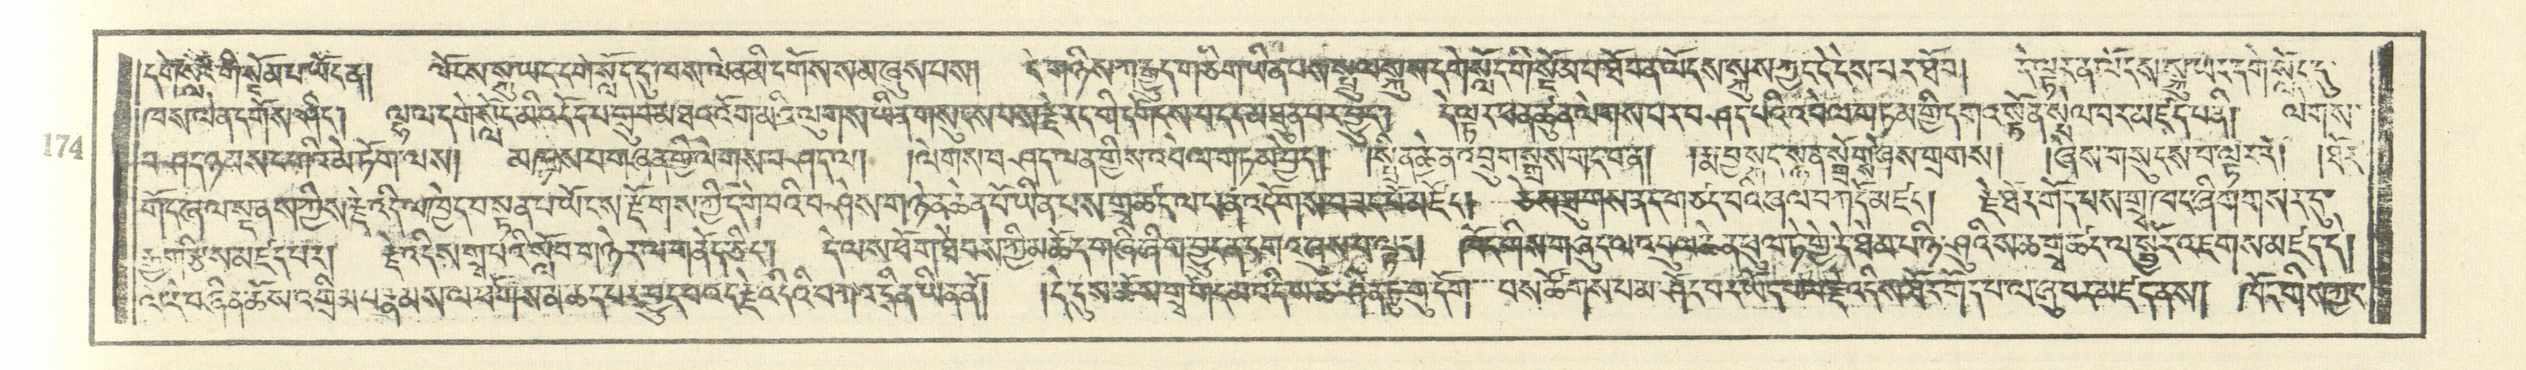དགེ་སློང་གི་སྔོམ་པ་ཡོད་ན། ལོངས་སྐུ་ཡང་དགེ་སློད་དུ་ཁས་ལེན་མི་དགོས་སམ་ཞུས་པས། དེ་གཉིས་ཀ་རྒྱུད་གཅིག་ཡིན་པས་སྤྲུལ་སྐུས་དགེ་སློང་གི་སྔོ་མ་པ་ཐོབ་ན་ལོངས་སྐྱུས་ཀྱང་དེ་ངེས་པར་ཐོབ། དེ་ལྟར་ན་ལོངས་སྐུ་ཡང་དགེ་སློད་དུ་
ཁས་ལེན་དགོས་ཤིང་། ལྷ་ལ་དགེ་སློང་མི་འདོད་པ་གྲུབ་མཐའ་འོག་མའི་ལུགས་ཡིན་གསུངས་པས་རྗེ་རང་གི་དགོངས་པ་དད་མཐུན་པར་བྱུང་། དེ་ལྟར་ཕན་ཚུན་ལེགས་པར་བཤད་པའི་འབེལ་གཏམ་གྱི་དགའ་སྟོན་སྤེལ་བར་མཛད་པ་ནི། ལེགས་
བཤད་ཉམས་ང་གའི་མེ་ཏོག་ལས། མཁས་པ་གཞན་གྱི་ལེགས་བཤད་ལ། །ལེགས་བཤད་ལན་གྱིས་འབེལ་གཏམ་བྱེད། །སྤྲིན་ཆེན་འབྲུག་སྒྲས་གད་བ་ན། །རྨ་བྱ་སྐད་སྙན་སྒྲོགས་ཞེས་གྲགས། །ཞེས་གསུངས་པ་ལྟར་རོ། །ཐོར་
གོང་ཞལ་སྔ་ནས་ཀྱིས་རྗེ་འདི་ལ་ཁྱེད་བསྟན་པ་ཡོངས་རྫོགས་ཀྱི་དགེ་བའི་བཤེས་གཉེན་ཆེན་པོ་ཡིན་པས་གྲྭ་ཚང་ལ་ཕན་འདོགས་བཟང་པོ་མཛོད། ཅེས་ཐུགས་ནད་གཙང་བའི་ཞལ་བཀོད་མཛད། རྗེ་ཐོར་གོད་པས་གྲྭ་ཁང་ཞིག་གསར་དུ་
རྒྱག་རྩིས་མཛད་པར། རྗེ་འདིས་གྲྭ་པའི་སློབ་གཉེར་ལ་གནོད་ཅིང་། དེ་ལས་ཐོག་ཐེབས་ཀྱི་མཆོད་གཞི་ཞིག་བྱུང་ན་དགའ་ཞུས་པ་ལྟར། ཁོད་གིས་གཞུང་ལ་འབུལ་ཆེན་ཕུལ་ཏེ་གྱེ་རེ་ཐེམ་པ་ཉི་ཤུའི་ས་ཆ་གྲྭ་ཚང་ལ་སྦྱོར་འཇགས་མཛད་དེ།
ལོ་རེ་བཞིན་ཆོས་འགྲིམ་པ་རྣམས་ལ་ཕོགས་མ་ཆད་པར་བྱུང་བའང་རྗེ་འདིའི་བཀའ་དྲིན་ཡིན་ནོ། །དེ་དུས་ཆོས་གྲྭ་གོང་མ་འདིས་ཆ་ཤིན་ཏུ་གུ་དགོ་པས་ཚོགས་པ་མ་ཤོད་བར་ཡོད་པ་ལ་རྗེ་འདིས་ཐོར་གོད་པ་ལ་ཞུ་བར་མཛད་ནས། ཁོང་གིས་ཀྱང་